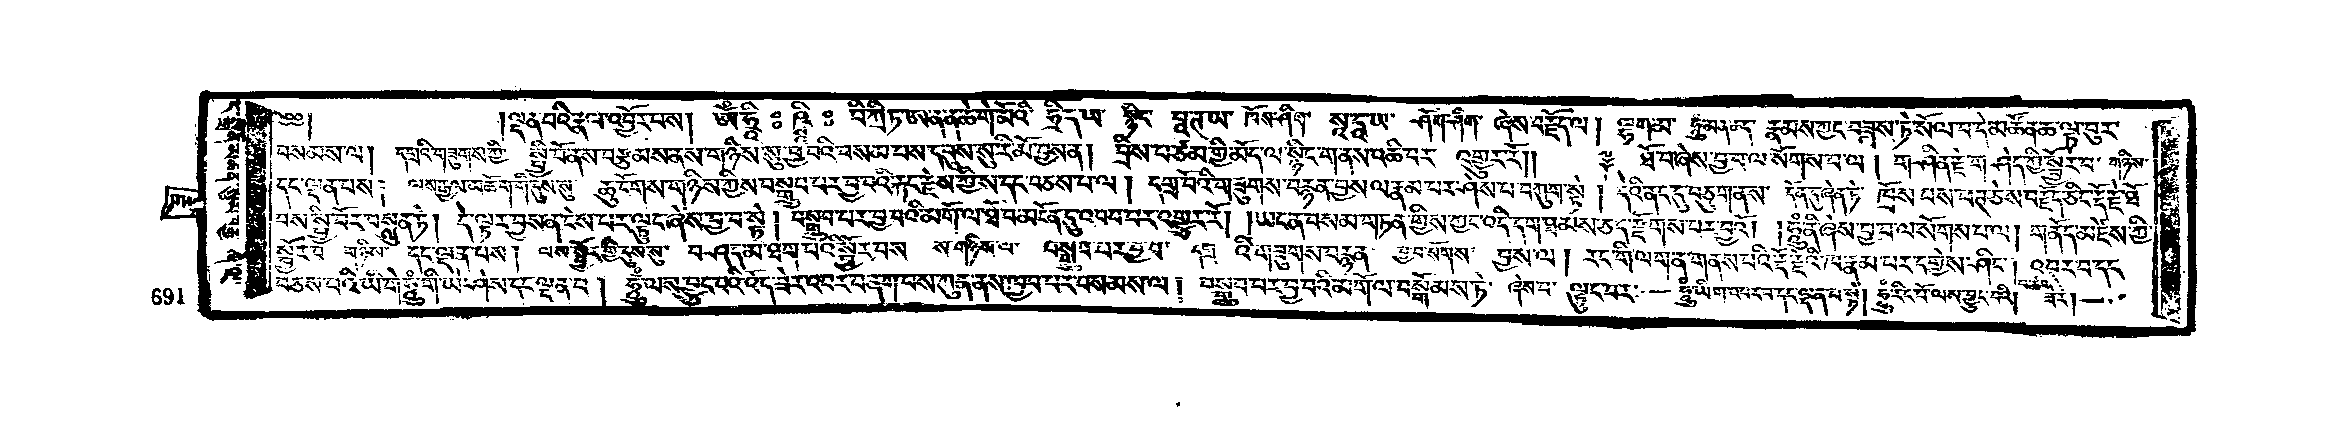༄༅། །ལྡན་པའི་རྣལ་འབྱོར་པས། ཨོཾ་ཧྲཱིཿ ཥིཊཱཿ བི་ཀྲི་ཏ་ཨན་ན་ཆེ་གེ་མོའི་ཧྲི་ད་ཡོ་སྙིང་པཱ་ཊ་ཡ་ཁོས་ཤིག་སཱ་དཱ་ཡ་ཤོག་ཤིག་ཞེས་བརྗོད་ལ། ལྷག་མ་ཧཱུཾ་མན་ཆད་རྣམས་ཀྱང་བཟླས་ཏེ་སོལ་བ་དེ་མཚོན་ཆ་ལྟ་བུར་
བསམས་ལ། དགྲའི་གཟུགས་ཀྱི་སྤྱི་བོ་ནས་བརྩམས་ནས་གཉིས་སུ་བྱ་བའི་བསམ་པས་དབུས་སུ་རི་མོ་བྱས་ན། བྲིས་པ་ཙམ་གྱི་མོད་ལ་སྙིང་ག་ནས་འཆི་བར་འགྱུར་རོ།། ༈ ཐོ་བ་ཞེས་བྱ་བ་ལ་སོགས་པ་ལ། གཤིན་རྗེ་གཤེད་ཀྱི་སྦྱོར་བ་གཉིས
དང་ལྡན་པས། ལས་རྒྱལ་མཆོག་གི་དུས་སུ་ཆུ་ངོགས་གཉིས་ཀྱིས་བསྒྲུབ་པར་བྱ་བའི་རྐང་རྗེས་ཀྱི་ས་དང་བཅས་པ་ལ། དགྲ་བོའི་གཟུགས་བརྙན་བྱས་ལ་རྣམ་པར་ཤེས་པ་བཀུག་སྟེ། དེའི་ནང་དུ་བཅུག་ནས་དོན་དུ་ཞེན་ཏེ་ཁྲོས་པས་ཕཊ་ཅེས་བརྗོད་ཅིང་རྡོ་རྗེ་ཐོ་
བས་སྤྱི་བོར་བསྣུན་ཏེ། དེ་ལྟར་བྱས་ན་ངེས་པར་ལྟུང་ཞེས་བྱ་བ་སྟེ། བསྒྲུབ་པར་བྱ་བའི་མགོ་ལ་ཐོ་བ་མངོན་དུ་འབབ་པར་འགྱུར་རོ། །ཡང་ན་བསམ་གཏན་གྱིས་ཀྱང་འདི་དག་ཐམས་ཅད་རྫོགས་པར་བྱའོ། །ཧཱུཾ་ནི་ཞེས་བྱ་བ་ལ་སོགས་པ་ལ། གནོད་མཛེས་ཀྱི་
སྦྱོར་བ་གཉིས་དང་ལྡན་པས། ལས་སྦྱོར་གྱི་དུས་སུ་བཤད་མ་ཐག་པའི་སྦྱོར་བས་ས་གཉིས་ལ་བསྒྲུབ་པར་བྱ་བ་དགྲའི་གཟུགས་བརྙན་བྱ་བ་སོགས་བྱས་ལ། རང་གི་ལག་ན་གནས་པའི་རྡོ་རྗེའི་ཁ་རྣམ་པར་དགྱེས་ཤིང་། འབར་བ་དང་
བཅས་པའི་ཡི་གེ་ཧཱུཾ་གི་ཡེ་ཤེས་དང་ལྡན་པ། ཧཱུཾ་ལས་བྱུང་བའི་འོད་ཟེར་འབར་བ་ནག་པོས་ཀུན་ནས་ཁྱབ་པར་བསམས་ལ། བསྒྲུབ་པར་བྱ་བའི་མགོ་ལ་བསྒོམས་ཏེ་ཞེས་པ་ལྟུང་བར་H.་ཧཱུཾ་ཡིག་འབར་བ་དང་ལྡན་པ་སྟེ། ཧཱུཾ་རིང་པོ་ལས་བྱུང་བའི། པ་ཚབ་ཟེར། .H